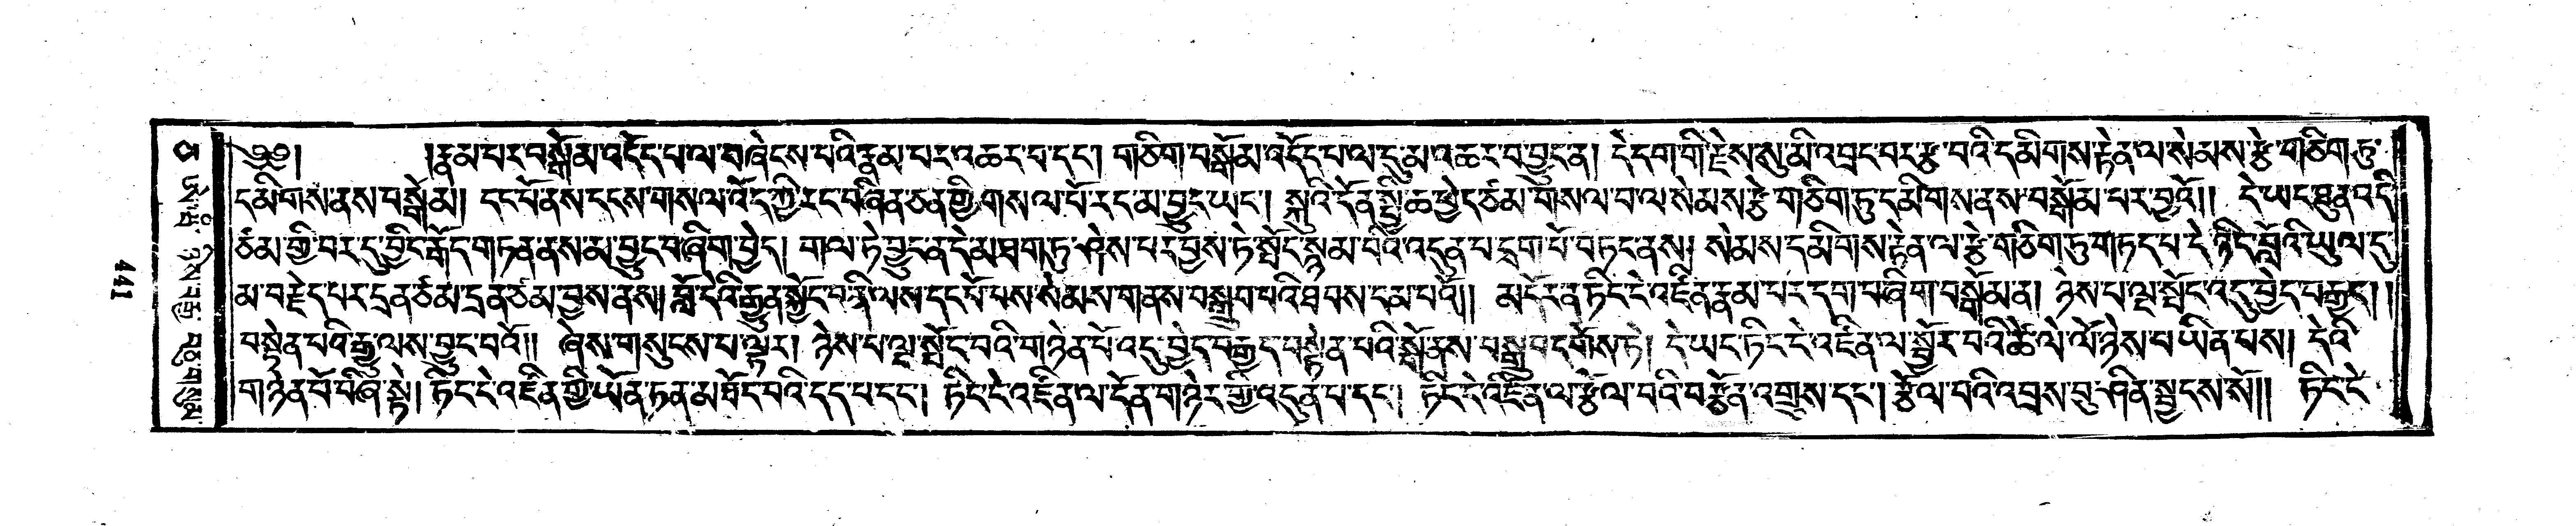༄༅། །རྣམ་པར་བསྒོམ་འདོད་པ་ལ་བཞེངས་པའི་རྣམ་པར་འཆར་བ་དང་། གཅིག་བསྒོམ་འདོད་པ་ལ་དུ་མ་འཆར་བ་བྱུང་ན། དེ་དག་གི་རྗེས་སུ་མི་འབྲང་བར་རྩ་བའི་དམིགས་རྟེན་ལ་སེམས་རྩེ་གཅིག་ཏུ་
དམིགས་ནས་བསྒོམ། དང་པོ་ནས་དྭངས་གསལ་འོད་ཀྱི་རང་བཞིན་ཅན་གྱི་གསལ་པོ་རང་མ་བྱུང་ཡང་། སྐུའི་དོན་སྤྱི་ཆ་ཕྱེད་ཙམ་གསལ་བ་ལ་སེམས་རྩེ་གཅིག་ཏུ་དམིགས་ནས་བསྒོམ་པར་བྱའོ། །དེ་ཡང་ཐུན་འདི་
ཙམ་གྱི་བར་དུ་བྱིང་རྒོད་གཏན་ནས་མ་བྱུང་བ་ཞིག་བྱེད། གལ་ཏེ་བྱུང་ན་དེ་མ་ཐག་ཏུ་ཤེས་པར་བྱས་ཏེ་སྤོང་སྙམ་པའི་འདུན་པ་དྲག་པོ་བཏང་ནས། སེམས་དམིགས་རྟེན་ལ་རྩེ་གཅིག་ཏུ་གཏད་པ་དེ་ཉིད་བློའི་ཡུལ་དུ་
མ་བརྗེད་པར་དྲན་ཙམ་དྲན་ཙམ་བྱས་ནས། བློ་དེའི་རྒྱུན་སྐྱོང་བ་ན་ལས་དང་པོ་བས་སེམས་གནས་བསྒྲུབ་པའི་ཐབས་དམ་པའོ། །མདོར་ན་ཏིང་ངེ་འཛིན་རྣམ་པར་དག་པ་ཞིག་བསྒོམ་ན། ཉེས་པ་ལྔ་སྤོང་འདུ་བྱེད་བརྒྱད། །
བསྟེན་པའི་རྒྱུ་ལས་བྱུང་བའོ། །ཞེས་གསུངས་པ་ལྟར། ཉེས་པ་ལྔ་སྤོང་བའི་གཉེན་པོ་འདུ་བྱེད་བརྒྱད་བསྟེན་པའི་སྒོ་ནས་བསྒྲུབ་དགོས་ཏེ། དེ་ཡང་ཏིང་ངེ་འཛིན་ལ་སྦྱོར་བའི་ཚེ་ལེ་ལོ་ཉེས་པ་ཡིན་པས། དེའི་
གཉེན་པོ་བཞི་སྟེ། ཏིང་ངེ་འཛིན་གྱི་ཡོན་ཏན་མཐོང་བའི་དད་པ་དང་། ཏིང་ངེ་འཛིན་ལ་དོན་གཉེར་གྱི་འདུན་པ་དང་། ཏིང་ངེ་འཛིན་ལ་རྩོལ་བའི་བརྩོན་འགྲུས་དང་། རྩོལ་བའི་འབྲས་བུ་ཤིན་སྦྱངས་སོ། །ཏིང་ངེ་